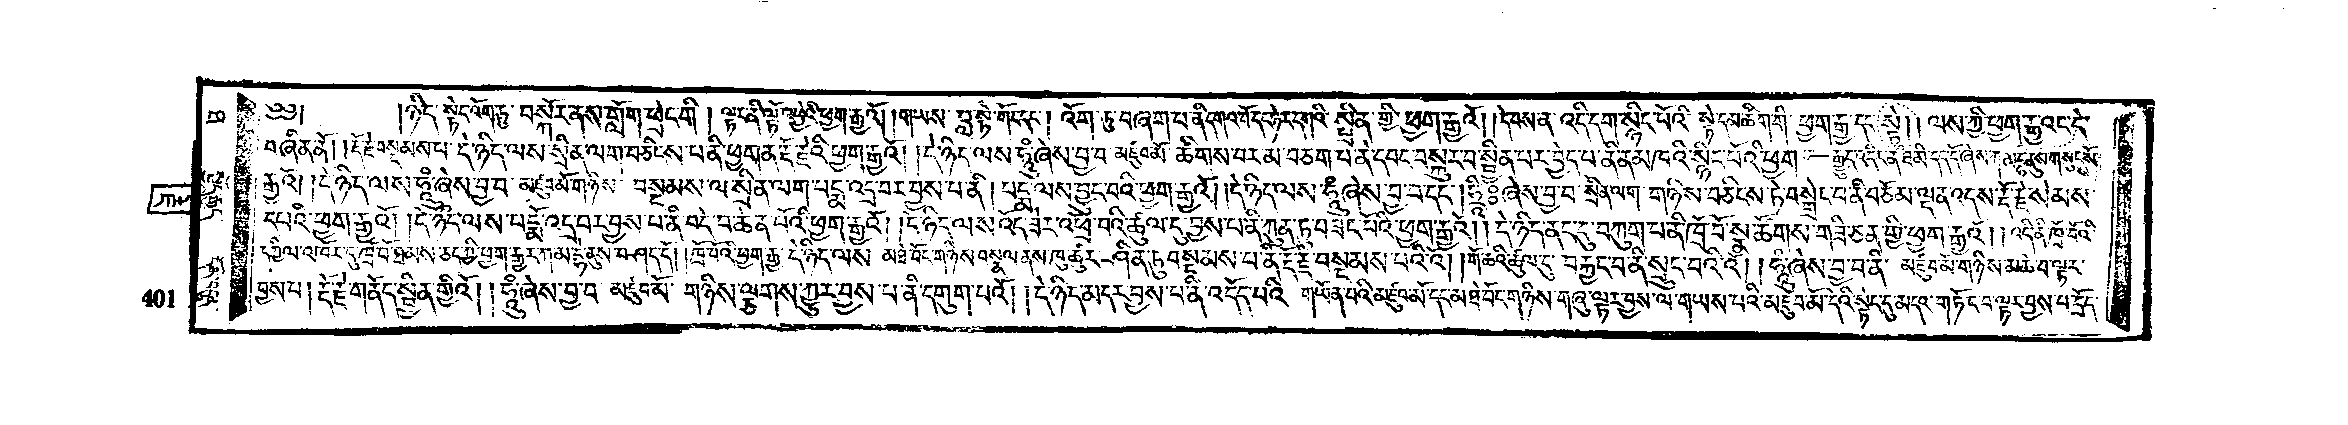༄༅། །ཉིད་སྟེང་འོག་ཏུ་བསྐོར་ནས་གློག་ཕྲེང་གི་།ལྟར་ནི་ལྟོ་འཕྱེའི་ཕྱག་རྒྱའོ། །གཡས་བླ་སྟེ་གོང་དང་།  འོག་ཏུ་བཞག་པ་ནི་དགའ་བོ་དང་ཉེར་དགའི་སྤྲིན་གྱི་ཕྱག་རྒྱའོ། །དེ་བས་ན་འདི་དག་སྙིང་པོའི་སྟེ་དམ་ཚིག་གི་ཕྱག་རྒྱ་དང་སྟེ། །ལས་ཀྱི་ཕྱག་རྒྱ་འང་དེ་
བཞིན་ནོ། །རྡོ་རྗེ་བསྡམས་པ་དེ་ཉིད་ལས་སྲིན་ལག་བཅིངས་པ་ནི་ཕྱག་ན་རྡོ་རྗེའི་ཕྱག་རྒྱའོ། །དེ་ཉིད་ལས་ཧཱུཾ་ཞེས་བྱ་བ་མཛུབ་མོ་ཚིགས་པར་མ་བཅག་པ་ནི་དབང་བསྐུར་བ་སྦྱིན་པར་བྱེད་པ་ནི་ནམ་མཁའི་སྙིང་པོའི་ཕྱག་H.རྒྱུད་འདིར་ནི་ཐ་མི་དད་དོ་ཞེས་ཀ་མ་དྷ་ནུས་གསུངས་ངོ།  ?
རྒྱའོ། །དེ་ཉིད་ལས་ཧཱུཾ་ཞེས་བྱ་བ་མཛུབ་མོ་གཉིས་བསྡམས་ལ་སྲིན་ལག་པདམ་འདྲ་བར་བྱས་པ་ནི། པདམ་ལས་བྱུང་བའི་ཕྱག་རྒྱའོ། །དེ་ཉིད་ལས་ཧཱུཾ་ཞེས་བྱ་བ་དང་། ཧྲཱིཿ ཞེས་བྱ་བ་སྲིན་ལག་གཉིས་བཅིངས་ཏེ་བསྒྲེང་བ་ནི་བཅོམ་ལྡན་འདས་རྡོ་རྗེ་སེམས་
དཔའི་ཕྱག་རྒྱའོ། །དེ་ཉིད་ལས་པདམོ་འདྲ་བར་བྱས་པ་ནི་བདེ་བ་ཆེན་པོའི་ཕྱག་རྒྱའོ། །དེ་ཉིད་ལས་འོད་ཟེར་འཕྲོ་བའི་ཚུལ་དུ་བྱས་པ་ནི་ཀུན་ཏུ་བཟང་པོའི་ཕྱག་རྒྱའོ། །དེ་ཉིད་ནང་དུ་བཀུག་པ་ནི་ཁྲོ་བོ་སྣ་ཚོགས་གཟི་ཅན་གྱི་ཕྱག་རྒྱའོ། །འདི་ནི་ཁྲོ་བོའི་
དཀྱིལ་འཁོར་དུ་ཁྲོ་བོ་ཐམས་ཅད་ཀྱི་ཕྱག་རྒྱར་ཀ་མ་དྷེ་ནུས་བཤད་དོ། །ཁྲོ་བོའི་ཕྱག་རྒྱ་དེ་ཉིད་ལས་མཐེ་བོང་གཉིས་བསྣལ་ནས་ཁུ་ཚུར་ཤིན་ཏུ་བསྡམས་པ་ནི་རྡོ་རྗེ་བསྡམས་པའི་འོ། །གོ་ཆའི་ཚུལ་དུ་བརྐྱང་བ་ནི་སྲུང་བའི་འོ། །ཧཱུཾ་ཞེས་བྱ་བ་ནི་མཛུབ་མོ་གཉིས་མཆེ་བ་ལྟར་
བྱས་པ། རྡོ་རྗེ་གནོད་སྦྱིན་གྱིའོ། །ཧཱུཾ་ཞེས་བྱ་བ་མཛུབ་མོ་གཉིས་ལྕགས་ཀྱུར་བྱས་པ་ནི་དགུག་པའོ། །དེ་ཉིད་མདར་བྱས་པ་ནི་འདོད་པའི་གཡོན་པའི་མཛུབ་མོ་དང་མཐེ་བོང་གཉིས་གཞུ་ལྟར་བྱས་ལ་གཡས་པའི་མཛུབ་མོ་དེའི་སྟེང་དུ་མདའ་གཏོང་བ་ལྟར་བྱས་པ་དྲོད་